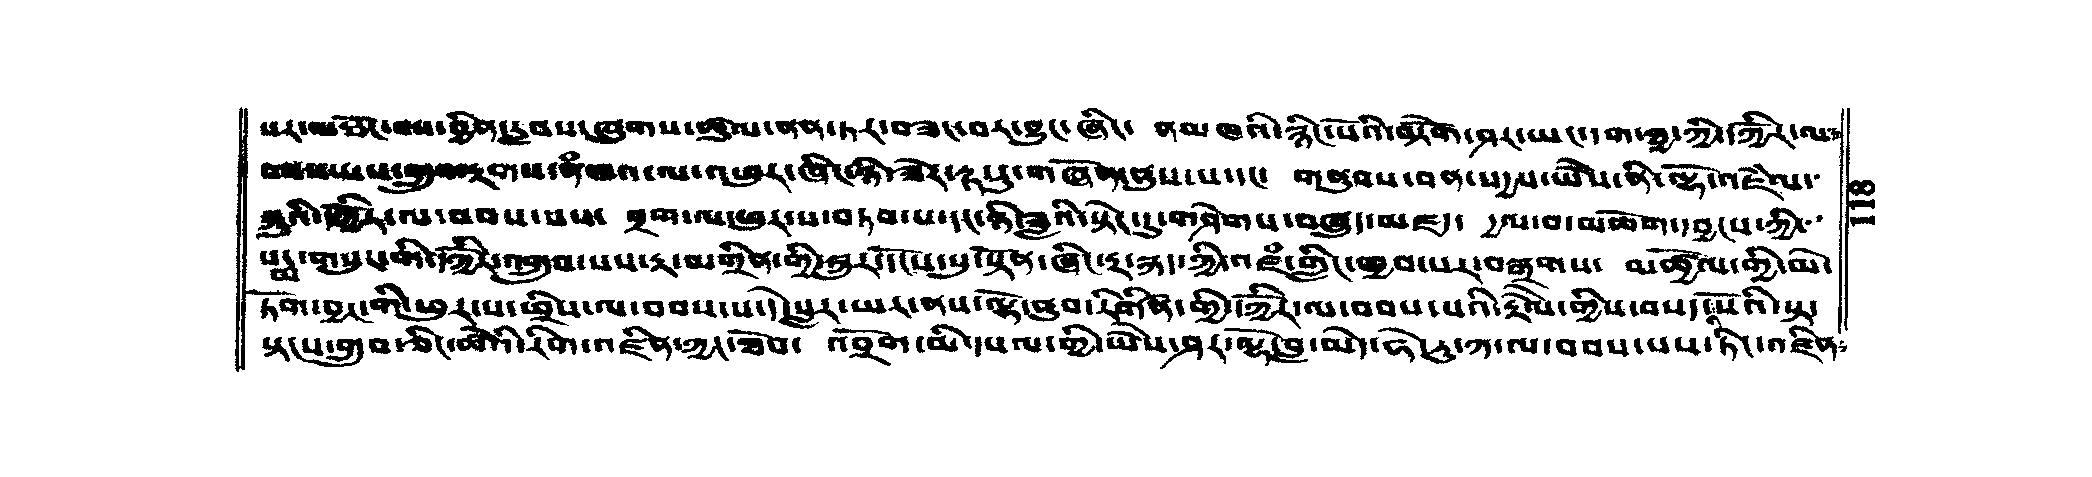པར་མཐོང་བས་བྱིན་རླབས་ཞུགས་ཚུལ་ནན་ཏར་བཟང་བར་བྱུང་ཞིང་། ནམ་མཁའི་སྙིང་པོའི་མེ་ཏོག་ཤར་ཡང་དག་ཐུགས་ཀྱི་དཀྱིལ་འཁོར་ལ་
བབས་པས་གྲུབ་རྟགས་ནམ་མཁའ་ལ་འཕུར་ཞིང་ཉི་ཟེར་རྟ་རུ་གཞོན་ནུས་པ་དང་། གནུབས་བན་སངས་རྒྱས་ཡེ་ཤེས་ནི་ལྷོ་འཇམ་དཔལ་
སྐུའི་དཀྱིལ་འཁོར་ལ་བབས་པས། བྲག་ལ་ཕུར་པ་བཏབ་པ་དང་ཉི་ཟླའི་སྟེང་དུ་གཤེགས་བཞུད་མཛད། རྒྱལ་བ་མཆོག་དབྱངས་ཀྱི་
པདྨ་གསུང་གི་དཀྱིལ་འཁོར་འགྲུབ་པས་རྟ་མགྲིན་གྱི་སྐུར་དངོས་སུ་སྟོན་ཞིང་རྟ་སྐད་ཀྱི་འཛམ་གླིང་ཁྱབ་པར་བསྒྲགས། མཚོ་རྒྱལ་གྱི་མེ་
ཏོག་བྱང་གི་ཕུར་པ་ཕྲིན་ལས་ལ་བབས་པ་དེ་སླར་ཡར་ནས་ལྷོ་ནུབ་རིག་འཛིན་གྱི་དཀྱིལ་འཁོར་ལ་བབས་པའི་རྟེན་འབྲེལ་གྱིས་བསད་གསོའི་སྟ་
སྟངས་གྲུབ་ཅིང་ཚེའི་རིག་འཛིན་ཀྱང་ཐོབ། འབྲོག་མི་དཔལ་གྱི་ཡེ་ཤེས་ཤར་ལྷོ་བླ་མེད་ཧེ་རུ་ཀ་ལ་བབས་པས་ཏིང་འཛིན་